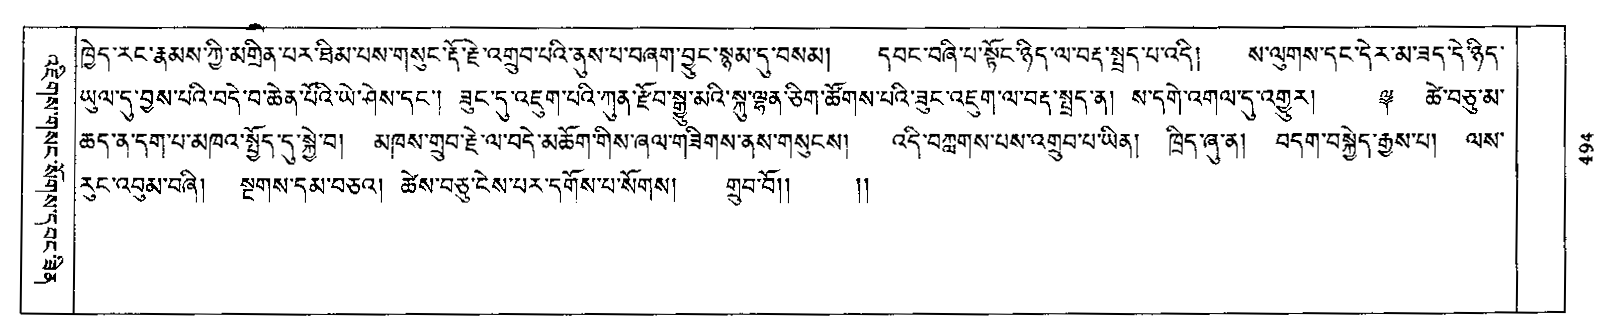ཁྱེད་རང་རྣམས་ཀྱི་མགྲིན་པར་ཐིམ་པས་གསུང་རྡོ་རྗེ་འགྲུབ་པའི་ནུས་པ་བཞག་བྱུང་སྙམ་དུ་བསམ། དབང་བཞི་པ་སྟོང་ཉིད་ལ་བརྡ་སྤྲད་པ་འདི། ས་ལུགས་དང་དེར་མ་ཟད་དེ་ཉིད་
ཡུལ་དུ་བྱས་པའི་བདེ་བ་ཆེན་པོའི་ཡེ་ཤེས་དང་། ཟུང་དུ་འཇུག་པའི་ཀུན་རྫོབ་སྒྱུ་མའི་སྐུ་ལྷན་ཅིག་ཚོགས་པའི་ཟུང་འཇུག་ལ་བརྡ་སྤྲད་ན། ས་དགེ་འགལ་དུ་འགྱུར། ༈ ཚེ་བཅུ་མ་
ཆད་ན་དག་པ་མཁའ་སྤྱོད་དུ་སྐྱེ་བ། མཁས་གྲུབ་རྗེ་ལ་བདེ་མཆོག་གིས་ཞལ་གཟིགས་ནས་གསུངས། འདི་བཀླགས་པས་འགྲུབ་པ་ཡིན། ཁྲིད་ཞུ་ན། བདག་བསྐྱེད་རྒྱས་པ། ལས་
རུང་འབུམ་བཞི། སྔགས་དམ་བཅའ། ཚེས་བཅུ་ངེས་པར་དགོས་པ་སོགས། གྲུབ་བོ།། །།